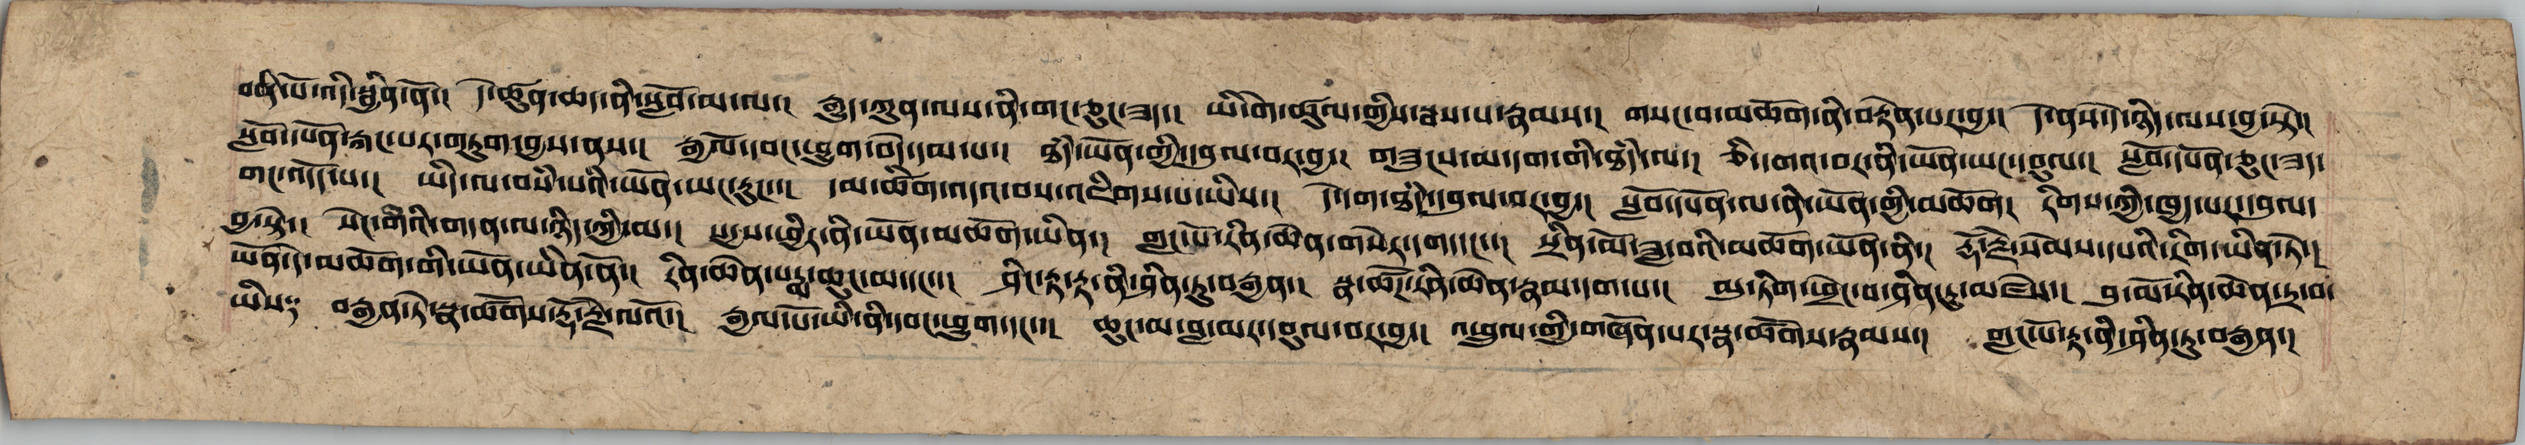བཞི་པོ་འདི་སྦྱིན་ནོ་། དེ་ཚུན་ཆད་ནི་སློབ་མ་ལ་། རྒྱུད་ཀུན་ལས་ནི་གང་ཅུང་ཟད་། ཡི་གེ་ཚུལ་གྱིས་སྦས་པ་རྣམས་། གསང་བ་མཆོག་ནི་བརྟེན་པར་བྱ་། དེ་ནས་དེ་ཉིད་ལས་བྱ་སྟེ་།
སློབ་དཔཽན་རྐང་པར་གཏུག་བྱས་ནས་། རྒྱལ་པོ་དབང་ཕྱུག་བདེ་དམ་པ་། ཐཾད་ཡོན་གྱི་དབུལ་བར་བྱ་། གཟུངས་མ་དག་གི་ཐཾད་ལ་། ཅི་དགའ་བར་ནི་ཡོན་ཡང་དབུལ་། སློབ་དཔོན་ཅུང་ཟད་
གང་འདོད་པ་། ཡིད་ལ་བསཾ་པའི་ཡོན་ཡང་རུང་་། དམ་ཚིག་འདའ་བས་འཇིགས་པ་ཡིས་། དེ་དག་ཐཾད་དབུལ་བར་བྱ་། སློབ་དཔོན་ལ་ནི་ཡོན་གྱི་མཆོག། རིགས་ཀྱི་ཁྱད་པར་དབུལ་
བྱ་སྟེ་། སེང་གེའི་གདན་ལ་ཉིད་ཀྱི་མ་། སདྱས་ཕྱིར་ནི་ཡོན་མཆོག་ཡིན་། གླང་པོ་རིན་ཆེན་གསེར་དག་དང་་། སྲིན་མོ་ཟླ་བའི་མཆོག་ཡོན་ནི་། རྡོ་རྗེ་སེམས་དཔའི་རིག་ཡིན་ཏེ་།
ཡོན་དེ་མཆོག་གི་ཡོན་ཡིན་ནོ་། རིན་ཆེན་པདྨ་ཆུང་མ་དང་་། ཤིང་རྟ་རྟ་ནི་ཤིན་ཏུ་བརྒྱན་། སྣ་ཚོཌ་རིན་ཆེན་རྣམ་དག་པ་། མུ་ཏིག་ཕྲེང་བ་ཤིན་ཏུ་མཛེས་། བུ་མོ་རིན་ཆེན་དྲ་བ་
ཡིས༑ བརྒྱན་ཏེ་སྣ་ཚོགས་རྡོ་རྗེ་ལའོ་། རྒྱལ་པོ་ཡི་ནི་དབང་ཕྱུག་དང་་། ཆུང་མ་བླ་མར་དབུལ་བར་བྱ་། འཕྲུལ་གྱི་གཞོན་པར་སྣ་ཚོགས་རྣམས་། གླང་པོ་རྟ་ནི་ཤིན་ཏུ་བརྒྱན་།